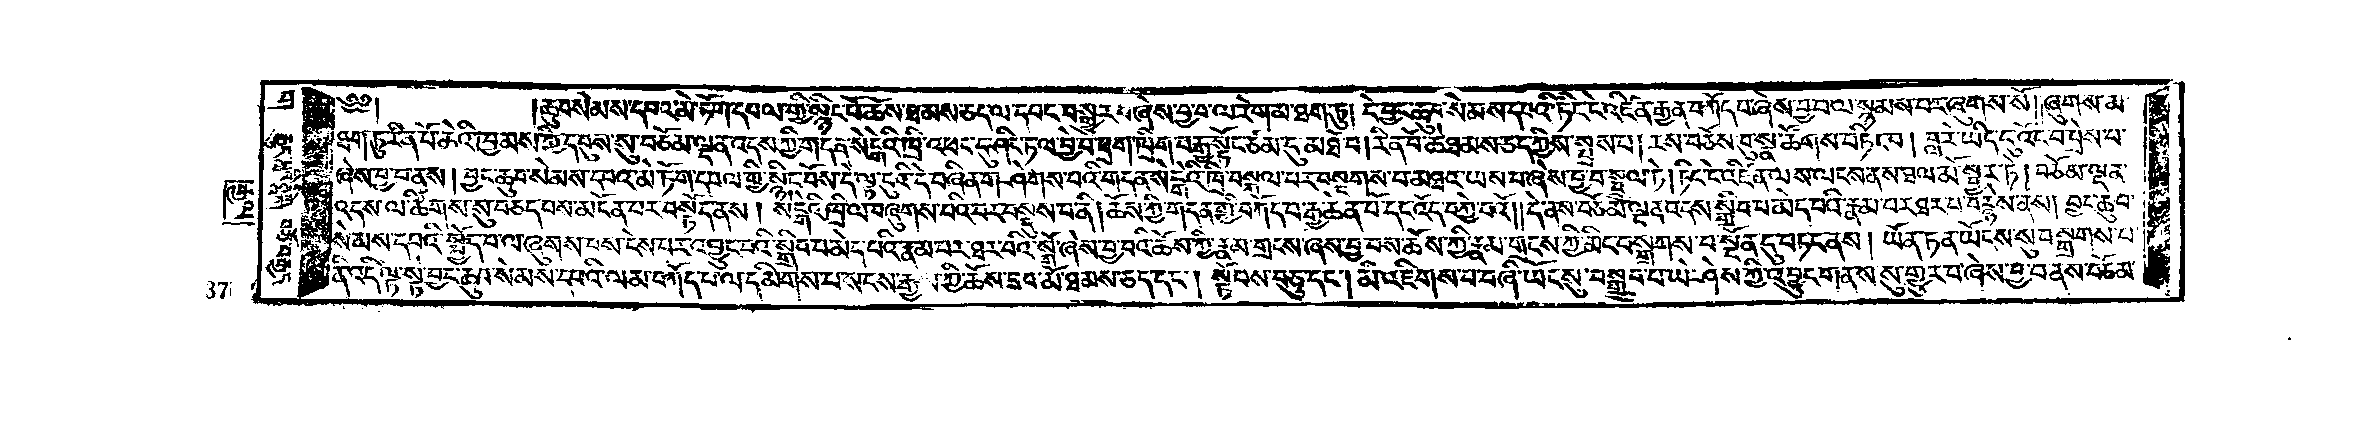༄༅། །ཆུབ་སེམས་དཔའ་མེ་ཏོག་དཔལ་གྱི་སྙིང་པོ་ཆོས་ཐམས་ཅད་ལ་དབང་བསྒྱུར་བ་ཞེས་བྱ་བ་ལ་རེག་མ་ཐག་ཏུ། དེ་བྱང་ཆུབ་སེམས་དཔའི་ཏིང་ངེ་འཛིན་རྒྱན་བཀོད་པ་ཞེས་བྱ་བ་ལ་སྙམས་པར་ཞུགས་སོ། །ཞུགས་མ་
ཐག་ཏུ་རིན་པོ་ཆེའི་ཁྱམས་ཀྱི་དབུས་སུ་བཅོམ་ལྡན་འདས་ཀྱི་གདན་སེངགེའི་ཁྲི་འཕང་དུ་ཤིང་ཏ་ལ་བྱེ་བ་ཕྲག་ཁྲིག་བརྒྱ་སྟོང་ཙམ་དུ་མཐོ་བ། རིན་པོ་ཆེ་ཐམས་ཅད་ཀྱིས་སྤྲས་པ། རས་བཅོས་བུ་སྣ་ཚོགས་བཏིང་བ། བླ་རེ་ཡིད་དུ་འོང་བ་བྲེས་པ་
ཞེས་བྱ་བ་ནས། བྱང་ཆུབ་སེམས་དཔའ་མེ་ཏོག་དཔལ་གྱི་སྙིང་པོས་དེ་ལྟ་བུའི་དེ་བཞིན་གཤེགས་པའི་གདན་སེངགེའི་ཁྲི་བསྐལ་པར་བསྔགས་པ་མཐའ་ཡས་པ་ཞེས་བྱ་བ་སྤྲལ་ཏེ། ཏིང་ངེ་འཛིན་ལས་ལངས་ནས་ཐལ་མོ་སྦྱར་ཏེ། བཅོམ་ལྡན་
འདས་ལ་ཚིགས་སུ་བཅད་པས་མངོན་པར་བསྟོད་ནས། སེངགེའི་ཁྲིལ་བཞུགས་པའི་བར་བསྡུས་པ་ནི། ཆོས་ཀྱི་གདན་གྱི་བཀོད་པ་རྒྱ་ཆེན་པོ་དང་འོད་བཀྱེ་བའོ། །དེ་ནས་བཅོམ་ལྡན་འདས་སྒྲིབ་པ་མེད་པའི་རྣམ་པར་ཐར་པ་བརྙེས་ནས། བྱང་ཆུབ་
སེམས་དཔའི་སྤྱོད་པ་ལ་ཞུགས་པས་ངེས་པར་འབྱུང་བའི་སྒྲིབ་པ་མེད་པའི་རྣམ་པར་ཐར་པའི་སྒོ་ཞེས་བྱ་བའི་ཆོས་ཀྱི་རྣམ་གྲངས་ཞེས་བྱ་བས་ཆོས་ཀྱི་རྣམ་གྲངས་ཀྱི་མིང་བསྒྲགས་པ་སྔོན་དུ་བཏང་ནས། ཡོན་ཏན་ཡོངས་སུ་བསྒྲགས་པ་
ནི་འདི་ལྟ་སྟེ་བྱང་ཆུབ་སེམས་དཔའི་ལམ་བཀོད་པ་ལ་དམིགས་པ་སངས་རྒྱས་ཀྱི་ཆོས་དྲབ་མོ་ཐམས་ཅད་དང་། སྟོབས་བཅུ་དང་། མི་འཇིགས་པ་བཞི་ཡོངས་སུ་བསྒྲུབ་པ་ཡེ་ཤེས་ཀྱི་འབྱུང་གནས་སུ་གྱུར་པ་ཞེས་བྱ་བ་ནས་བཅོམ་